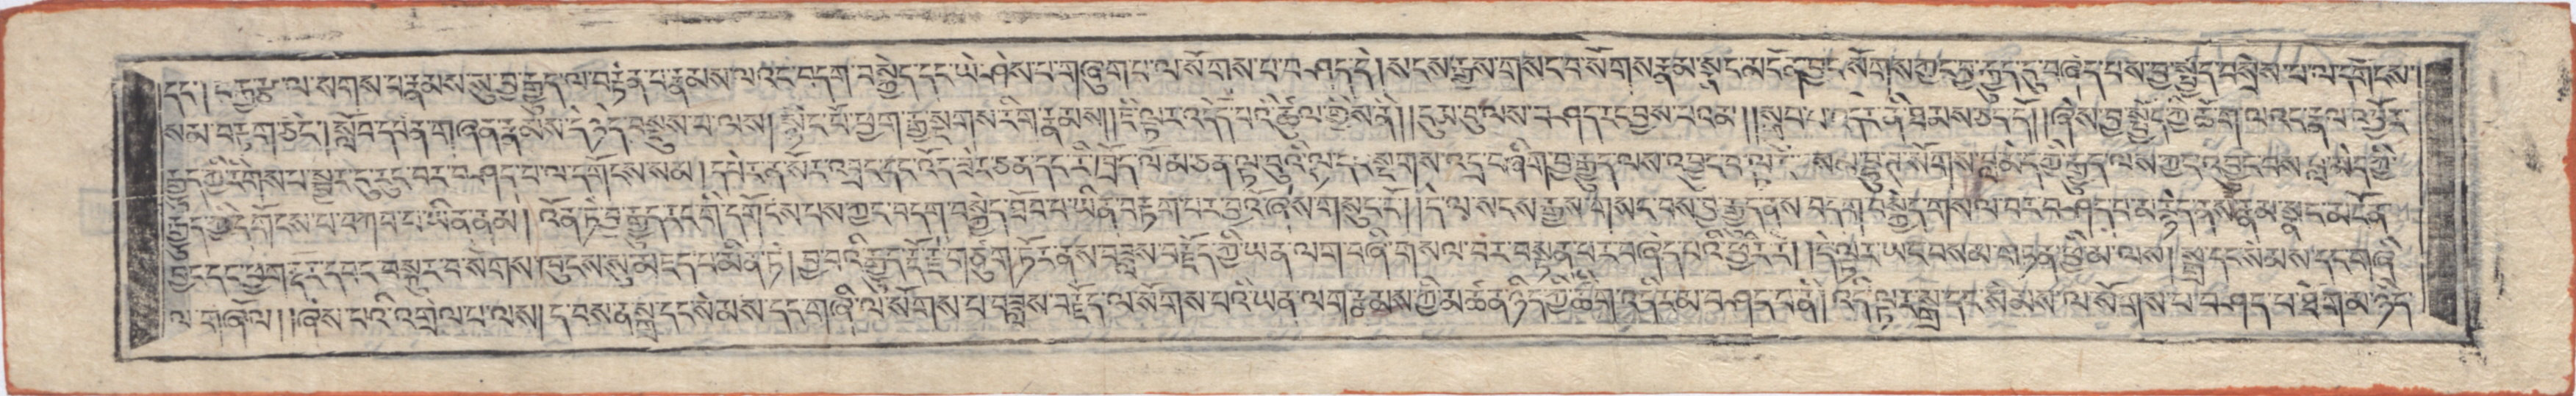དང་། བརྒྱ་རྩ་ལ་སོགས་པ་རྣམས་སུ་བྱ་རྒྱུད་ལ་བརྟེན་པ་རྣམས་ལའང་བདག་བསྐྱེད་དང་ཡེ་ཤེས་པ་གཞུག་པ་ལ་སོགས་པ་བཤད་དེ། སངས་རྒྱས་གསང་བ་སོགས་རྣམ་སྣང་མངོན་བྱང་སོགས་ཀྱང་བྱ་རྒྱུད་དུ་བཞེད་པས་བྱ་སྤྱོད་བསྲེས་པ་ལ་དགོངས་
སམ་བརྟག་ཅིང་། སློབ་དཔོན་གཞན་རྣམས་དེ་ཉིད་བསྡུས་པ་ལས། སྙིང་པོ་ཕྱག་རྒྱ་སྔགས་རིག་རྣམས། །ཇི་ལྟར་འདོད་པའི་ཚུལ་གྱིས་ནི། །དུམ་བུ་ལས་བཤད་རང་བྱས་པའམ། །སྒྲུབ་པ་འདིར་ནི་ཐམས་ཅད་དོ། །ཞེས་བྱ་སྤྱོད་ཀྱི་ཆོ་ག་ལའང་རྣལ་འབྱོར་
རྒྱུད་ཀྱི་རིགས་པ་སྦྱར་དུ་རུང་བར་བཤད་པ་ལ་དགོངས་སམ། དཔེར་ན་སོར་འབྲང་དང་འོད་ཟེར་ཅན་དང་རི་ཁྲོད་ལོ་མ་ཅན་ལྟ་བུའི་ལྷ་དང་སྔགས་འདྲ་བ་ཞིག་བྱ་རྒྱུད་ལས་འབྱུང་བ་ལྟར་སམ་བྷུ་ཊ་སོགས་བླ་མེད་ཀྱི་རྒྱུད་ལས་ཀྱང་འབྱུང་བས་བླ་མེད་ཀྱི་
རྒྱུད་ཀྱི་དགོངས་པ་བཀབ་པ་ཡིན་ནམ། འོན་ཏེ་བྱ་རྒྱུད་རང་གི་དགོངས་པས་ཀྱང་བདག་བསྐྱེད་ཐོབ་པ་ཡིན་བརྟག་པར་བྱའོ་ཞེས་གསུང་ངོ། །དེ་ལ་སངས་རྒྱས་གསང་བས་བྱ་རྒྱུད་ནས་བདག་བསྐྱེད་གསལ་བར་བཤད་པ་མ་རྙེད་ནས་རྣམ་སྣང་མངོན་
བྱང་དང་ཕྱག་རྡོར་དབང་བསྐུར་བ་སོགས་ཁུངས་སུ་མཛད་པ་མིན་ཏེ། བྱ་བའི་རྒྱུད་རྡོ་རྗེ་གཙུག་ཏོར་ནས་བཟླས་བརྗོད་ཀྱི་ཡན་ལག་བཞི་གསལ་བར་བསྟན་པར་བཞེད་པའི་ཕྱིར་རོ། །དེ་ལྟར་ཡང་བསམ་གཏན་ཕྱི་མ་ལས། སྒྲ་དང་སེམས་དང་གཞི་
ལ་གཞོལ། །ཞེས་པའི་འགྲེལ་པ་ལས། དེ་བས་ན་སྒྲ་དང་སེམས་དང་གཞི་ལ་སོགས་པ་བཟླས་བརྗོད་ལ་སོགས་པའི་ཡན་ལག་རྣམས་ཀྱི་མཚན་ཉིད་ཀྱི་ཚིག་འདིར་མ་བཤད་པ་ནི། འདི་ལྟར་སྒྲ་དང་སེམས་ལ་སོགས་པ་བཤད་པ་ཐོག་མ་ཉིད་